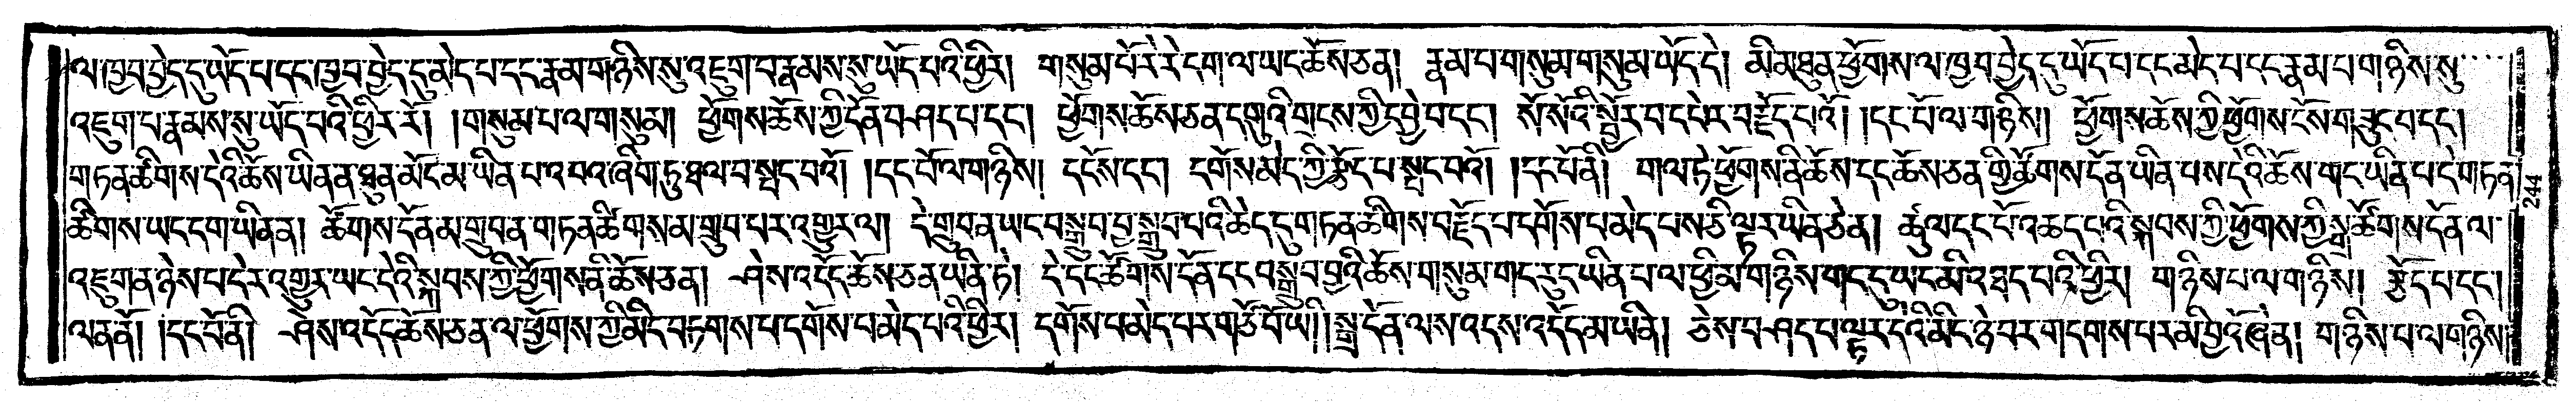ལ་ཁྱབ་བྱེད་དུ་ཡོད་པ་དང་ཁྱབ་བྱེད་དུ་མེད་པ་དང་རྣམ་གཉིས་སུ་འཇུག་པ་རྣམས་སུ་ཡོད་པའི་ཕྱིར། གསུམ་པོ་རེ་རེ་དག་ལ་ཡང་ཆོས་ཅན། རྣམ་པ་གསུམ་གསུམ་ཡོད་དེ། མི་མཐུན་ཕྱོགས་ལ་ཁྱབ་བྱེད་དུ་ཡོད་པ་དང་མེད་པ་དང་རྣམ་པ་གཉིས་སུ་
འཇུག་པ་རྣམས་སུ་ཡོད་བའི་ཕྱིར་རོ། །གསུམ་པ་ལ་གསུམ། ཕྱོགས་ཆོས་ཀྱི་དོན་བཤད་པ་དང་། ཕྱོགས་ཆོས་ཅན་དགུའི་གྲངས་ཀྱི་དབྱེ་བ་དང་། སོ་སོའི་སྦྱོར་བ་དཔེར་བརྗོད་པའོ། །དང་པོ་ལ་གཉིས། ཕྱོགས་ཆོས་ཀྱི་ཕྱོགས་ངོས་གཟུང་བ་དང་།
གཏན་ཚིགས་དེའི་ཆོས་ཡིན་ན་ཐུན་མོང་མ་ཡིན་པ་འབའ་ཞིག་ཏུ་ཐལ་བ་སྤང་བའོ། །དང་པོ་ལ་གཉིས། དངོས་དང་། དགོས་མེད་ཀྱི་རྩོད་པ་སྤང་བའོ། །དང་པོ་ནི། གལ་ཏེ་ཕྱོགས་ནི་ཆོས་དང་ཆོས་ཅན་གྱི་ཚོགས་དོན་ཡིན་པས་དེའི་ཆོས་གང་ཡིན་པ་དེ་གཏན་
ཚིགས་ཡང་དག་ཡིན་ན། ཆོས་དོན་མ་གྲུབ་ན་གཏན་ཚིགས་མ་གྲུབ་པར་གྱུར་ལ། དེ་གྲུབ་ན་ཡང་བསྒྲུབ་བྱ་སྒྲུབ་པའི་ཆེད་དུ་གཏན་ཚིགས་བརྗོད་པ་དགོས་པ་མེད་པས་ཅི་ལྟར་ཡིན་ཅེ་ན། ཚུལ་དང་པོ་འཆད་པའི་སྐབས་ཀྱི་ཕྱོགས་ཀྱི་སྒྲ་ཚིགས་དོན་ལ་
འཇུག་ན་ཉེས་པ་དེར་འགྱུར་ཡང་དེའི་སྐབས་ཀྱི་ཕྱོགས་ནི་ཆོས་ཅན། ཤེས་འདོད་ཆོས་ཅན་ཡིན་ཏེ། དེ་དང་ཚོགས་དོན་དང་བསྒྲུབ་བྱའི་ཆོས་གསུམ་གང་རུང་ཡིན་པ་ལ་ཕྱི་མ་གཉིས་གང་དུ་ཡང་མི་འཐད་པའི་ཕྱིར། གཉིས་པ་ལ་གཉིས། རྩོད་པ་དང་།
ལན་ནོ། །དང་པོ་ནི། ཤེས་འདོད་ཆོས་ཅན་ལ་ཕྱོགས་ཀྱི་མིང་བཏགས་པ་དོགས་པ་མེད་པའི་ཕྱིར། དགོས་པ་མེད་པར་གཙོ་བོ་ཡི། །སྒྲ་དོན་ལས་འདས་འདོད་མ་ཡིན། ཅེས་བཤད་པ་ལྟར་དེའི་མིང་ཉེ་བར་གདགས་པར་མི་བྱའོ་ཞེ་ན། གཉིས་པ་ལ་གཉིས་